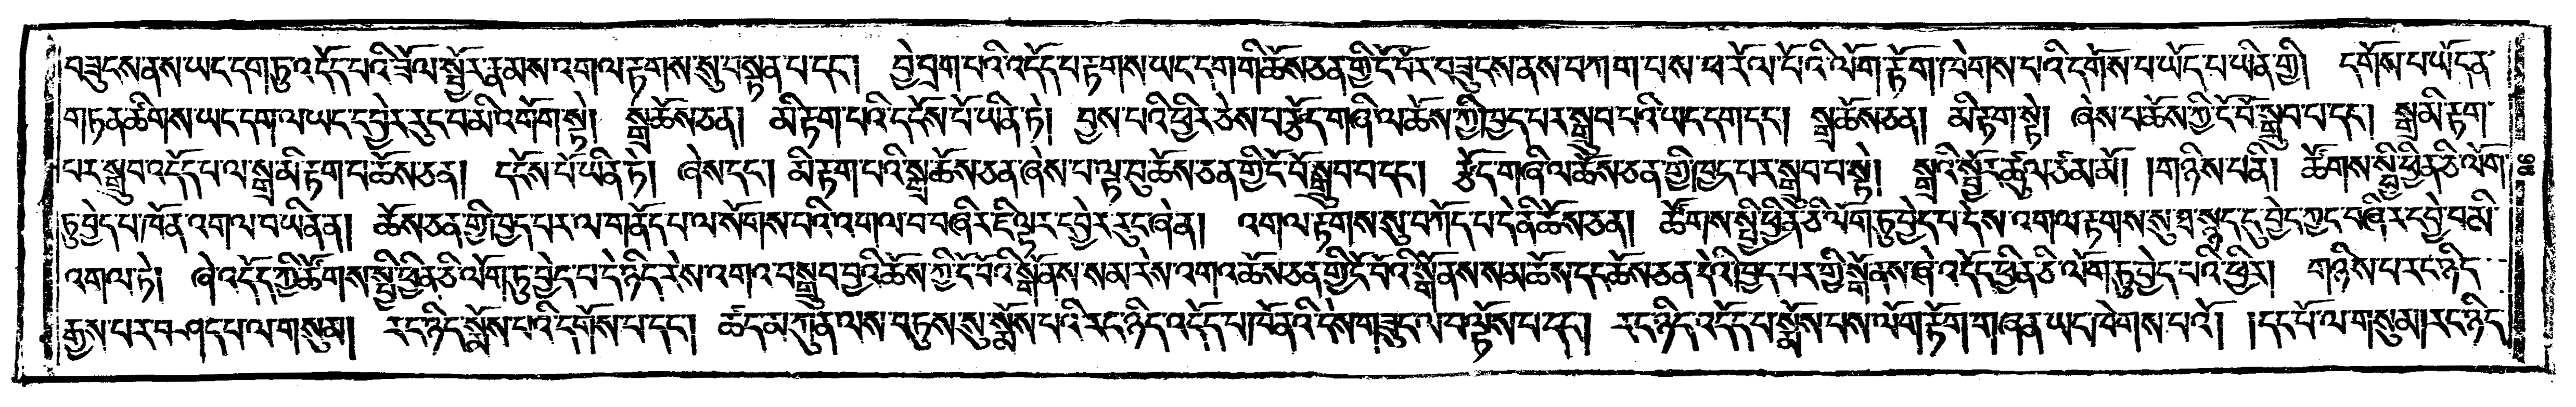བཟུངས་ནས་ཡང་དག་ཏུ་འདོད་པའི་ཟོལ་སྦྱོར་རྣམས་འགལ་རྟགས་སུ་བསྟན་པ་དང་། བྱེ་བྲག་པའི་འདོད་པ་རྟགས་ཡང་དག་གི་ཆོས་ཅན་གྱི་ངོ་བོར་བཟུངས་ནས་བཀག་པས་ཕ་རོལ་པོའི་ལོག་རྟོག་ཁེགས་པའི་དགོས་པ་ཡོད་པ་ཡིན་གྱི། དགོས་པ་ཡོད་ན་
གཏན་ཚིགས་ཡང་དག་ལ་ཡང་དབྱེར་རུང་བ་མི་འགོག་སྟེ། སྒྲ་ཆོས་ཅན། མི་རྟག་པའི་དངོས་པོ་ཡིན་ཏེ། བྱས་པའི་ཕྱིར་ཅེས་པ་རྩོད་གཞི་ལ་ཆོས་ཀྱི་ཁྱད་པར་སྒྲུབ་པའི་ཡང་དག་དང་། སྒྲ་ཆོས་ཅན། མི་རྟག་སྟེ། ཞེས་པ་ཆོས་ཀྱི་ངོ་བོ་སྒྲུབ་པ་དང་། སྒྲ་མི་རྟག་
པར་སྒྲུབ་འདོད་པ་ལ་སྒྲ་མི་རྟག་པ་ཆོས་ཅན། དངོས་པོ་ཡིན་ཏེ། ཞེས་དང་། མི་རྟག་པའི་སྒྲ་ཆོས་ཅན་ཞེས་པ་ལྟ་བུ་ཆོས་ཅན་གྱི་ངོ་བོ་སྒྲུབ་པ་དང་། རྩོད་གཞི་ལ་ཆོས་ཅན་གྱི་ཁྱད་པར་སྒྲུབ་པ་སྟེ། སྒྲའི་སྦྱོར་ཚུལ་ཙམ་མོ། །གཉིས་པ་ནི། ཚོགས་སྤྱི་ཕྱིན་ཅི་ལོག་
ཏུ་བྱེད་པ་ཁོ་ན་འགལ་བ་ཡིན་ན། ཆོས་ཅན་གྱི་ཁྱད་པར་ལ་གནོད་པ་ལ་སོགས་པའི་འགལ་བ་བཞིར་ཇི་ལྟར་དབྱེར་རུང་ཞེ་ན། འགལ་རྟགས་སུ་བཀོད་པ་དེ་ནི་ཆོས་ཅན། ཚོགས་སྤྱི་ཕྱིན་ཅི་ལོག་ཏུ་བྱེད་པ་དེས་འགལ་རྟགས་སུ་ཐ་སྙད་དུ་བྱེད་ཀྱང་བཞིར་དབྱེ་བ་མི་
འགལ་ཏེ། ཞེ་འདོད་ཀྱི་ཚོགས་སྤྱི་ཕྱིན་ཅི་ལོག་ཏུ་བྱེད་པ་དེ་ཉིད་རེས་འགའ་བསྒྲུབ་བྱའི་ཆོས་ཀྱི་ངོ་བོའི་སྒོ་ནས་སམ་རེས་འགའ་ཆོས་ཅན་གྱི་ངོ་བོའི་སྒོ་ནས་སམ་ཆོས་དང་ཆོས་ཅན་དེའི་ཁྱད་པར་གྱི་སྒོ་ནས་ཞེ་འདོད་ཕྱིན་ཅི་ལོག་ཏུ་བྱེད་པའི་ཕྱིར། གཉིས་པ་རང་ཉིད་
རྒྱས་པར་བཤད་པ་ལ་གསུམ། རང་ཉིད་སྨོས་པའི་དགོས་པ་དང་། ཚད་མ་ཀུན་ལས་བཏུས་སུ་སྨོས་པའི་རང་ཉིད་འདོད་པ་ཁོ་ནའི་ངེས་གཟུང་ལ་བལྟོས་པ་དང་། རང་ཉིད་འདོད་པ་སྨོས་པས་ལོག་རྟོག་གཞན་ཡང་ཁེགས་པའོ། །དང་པོ་ལ་གསུམ། རང་ཉིད་